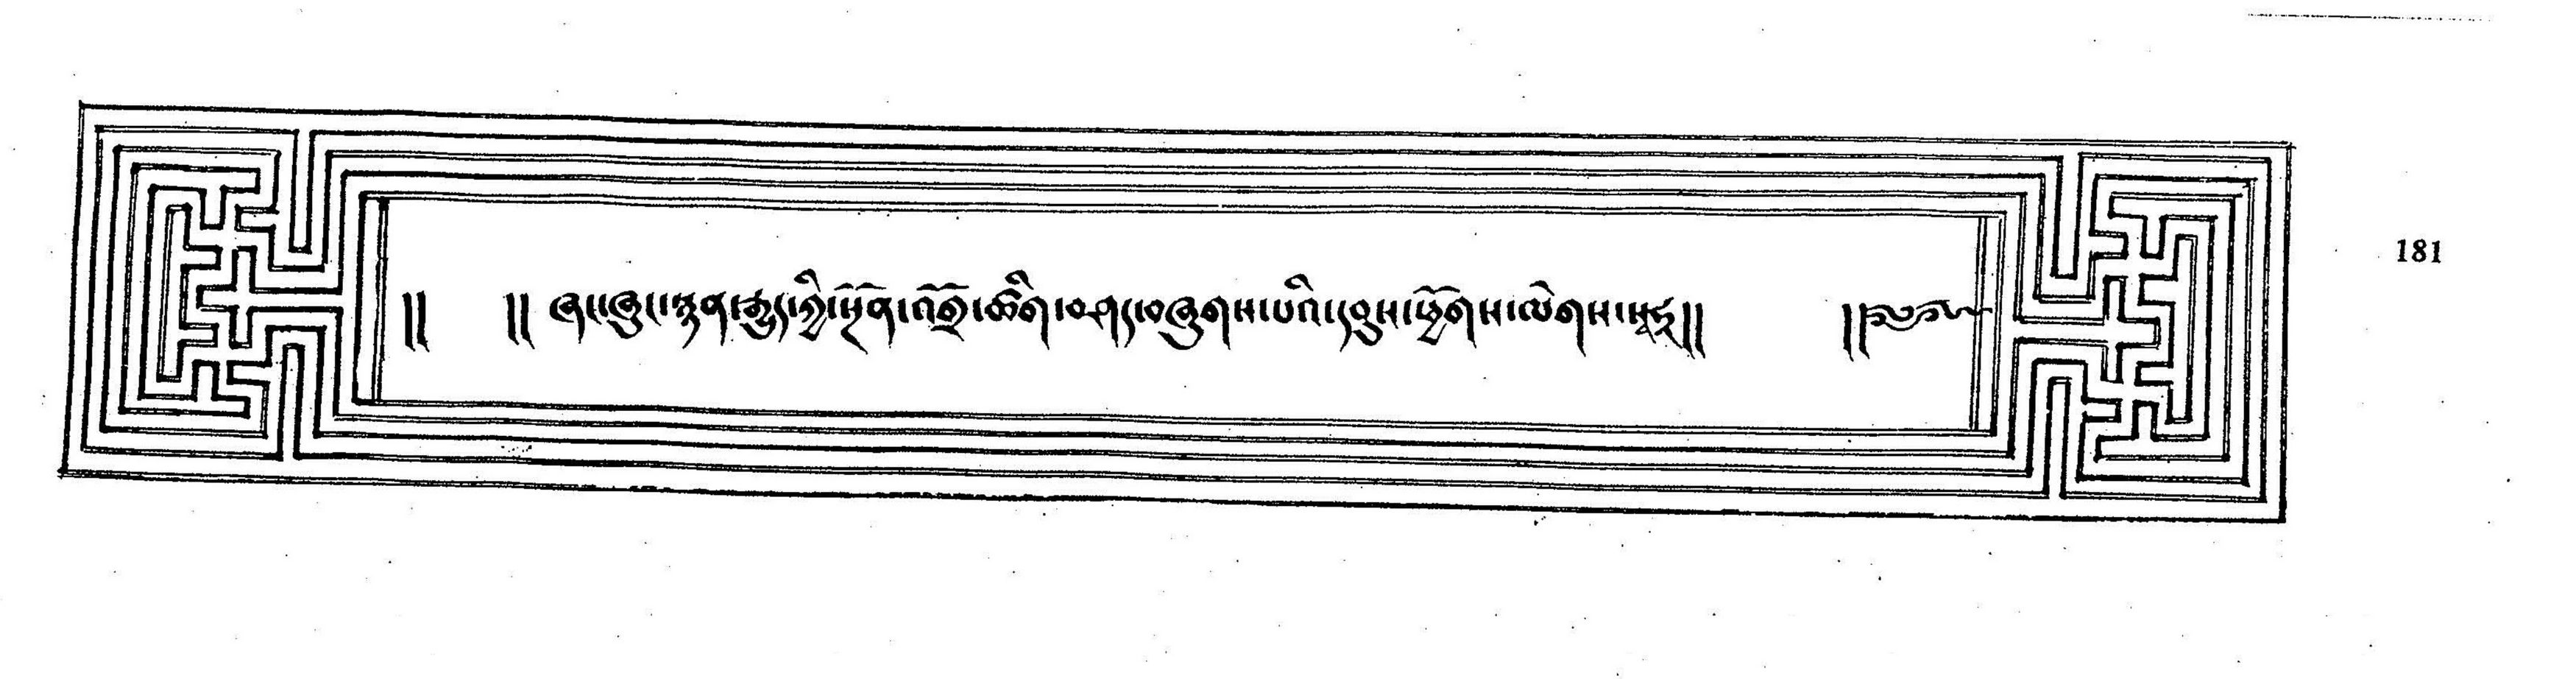།། །།ཞང་ཞུང་སྙན་རྒྱུད་ཀྱི་སྔོན་འགྲོ་ཚིག་བཤད་བཞུགས་པའི་དབུས་ཕྱོགས་ལེགས་སྭཧཱ།།